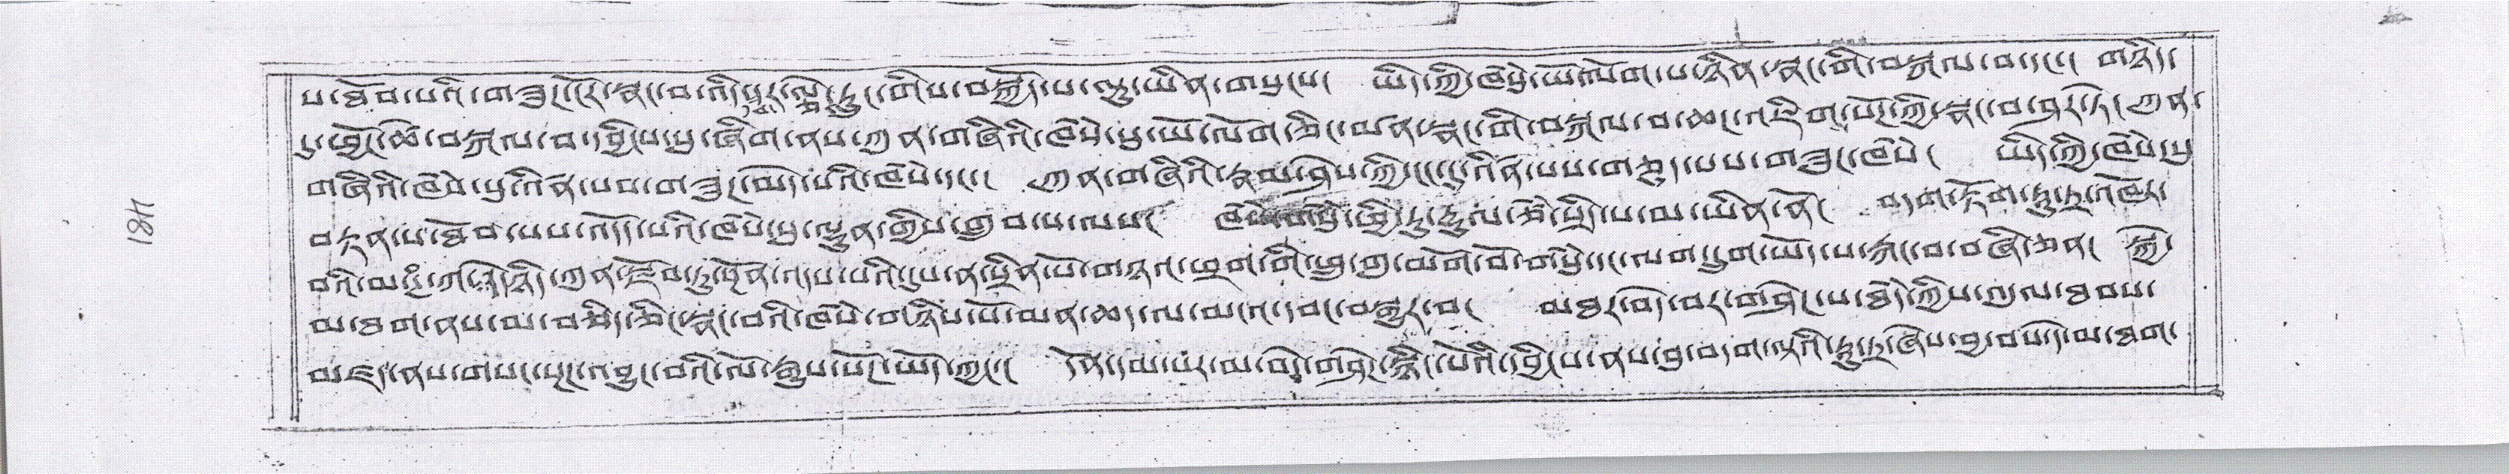ས་ཐོབ་པའི་གཟུགས་ངོར་སྣང་བ་འདི་དག་དར་ལྕེ་རླུང་གིས་བསྐྱོད་པ་ལྟ་བུ་ཡིན་གསུངས། ཡིད་ཀྱི་ཁམས་གསུམ་ཡོ་ལོག་པ་ཉིན་སྣང་གི་བསྐལ་བ་དང་། གཉིད་
དུ་ཕྱོགས་ཚེ་བསྐལ་བ་དབྱིངས་སུ་ཞིག་ནས་ཀུན་གཞིའི་ཁམས་སུ་ཡོ་ལོག་ཅིང་མཚན་སྣང་གི་བསྐལ་པ་ཆགས་འཇིག་སོགས་ཀྱི་སྣང་བ་ཤར་ཏེ་ཀུན་
གཞིའི་ཁམས་སུ་འཛིན་པས་གཟུགས་མེད་པའི་ཁམས་དང་། ཀུན་གཞིའི་རྣམ་ཤེས་ཀྱི་ངང་དུ་འཛིན་པས་གཅུད་པས་གཟུགས་ཁམས། ཡིད་ཀྱི་ཁམས་སུ་
བརྟན་པ་ཐོབ་པས་འདོད་པའི་ཁམས་སུ་ལྷུན་གྱིས་གྲུབ་པ་ལས། ཁམས་གསུམ་ཕྱི་རུ་རྡུལ་ཙམ་སྲིད་པ་མ་ཡིན་ནོ། བདག་རྟོག་རུ་ཏྲ་འཁོར་
བའི་མ་ཊཾ་ཀ་དེ་ཉིད་ཀུན་རྫོབ་ཏུ་སྔོན་འདས་པའི་དུས་ན་སྲིན་པོ་གཉའ་ཕྲག་གི་ཕྲུ་གུ་མགོ་བོ་གསུམ་དང་ལག་དྲུག་ཡོད་པ་རྐང་པ་བཞི་ཅན། སྐྱེས་
མ་ཐག་ནས་མ་བཅིད་ཅིང་སྣང་བའི་ཁམས་གཉིས་པོ་མན་ཆད་ལ་མངའ་དབང་བསྒྱུར་བ། མཐར་བདེ་བར་གཤེགས་པ་ཐམས་ཅད་ཀྱིས་འདུལ་ཐབས་
མཛད་ནས་གསང་སྔགས་འབྱུང་བའི་ལོ་རྒྱུས་སོགས་ཡོད་ཀྱང་། དོན་དམ་པར་མ་བདེར་གཤེགས་སྙིང་པོའི་དབྱིངས་ནས་བུ་བདག་ལྟའི་རུ་ཏྲ་ཞེས་བྱ་བས་དེ་མ་ཐག་